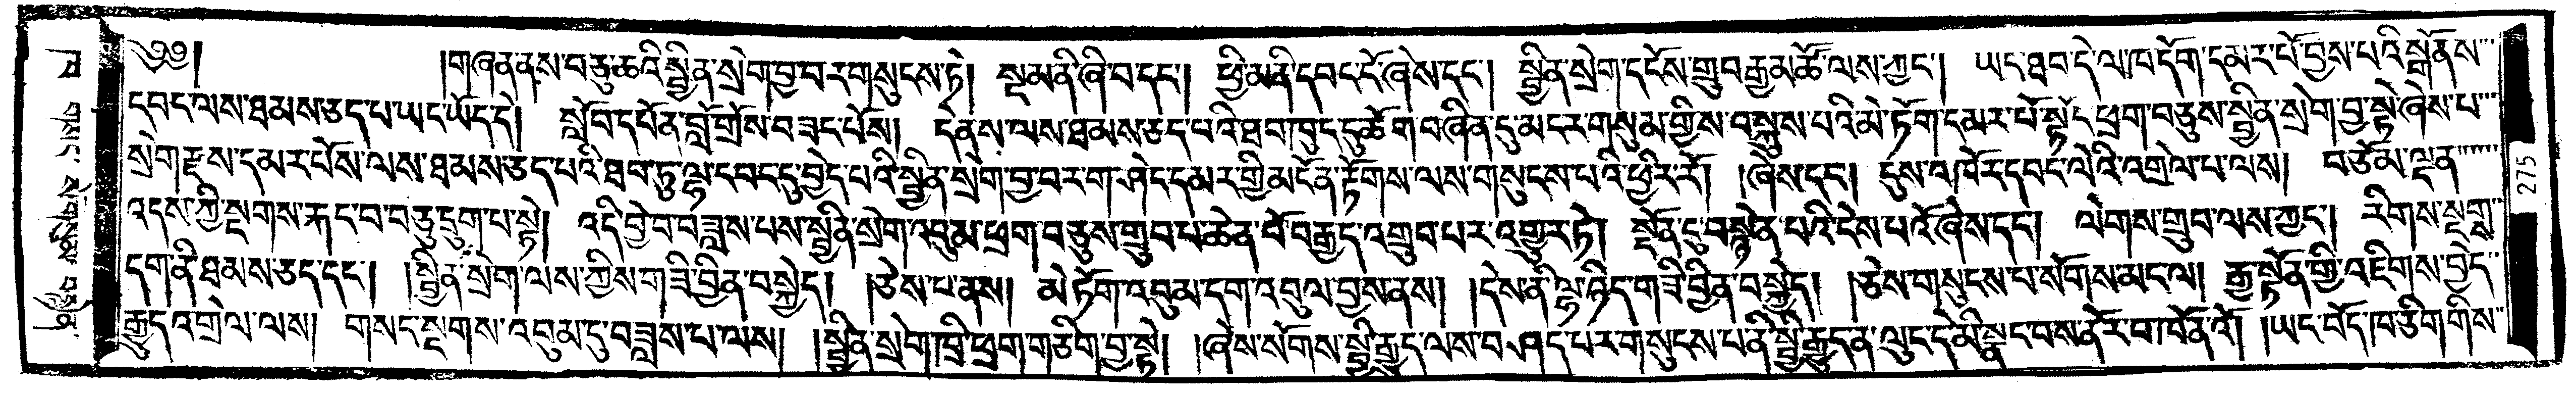༄༅། །གཞན་ནས་བཅུ་ཆའི་སྦྱིན་སྲེག་བྱ་བར་གསུངས་ཏེ། སྔ་མ་ནི་ཞི་བ་དང་། ཕྱི་མ་ནི་དབང་ངོ་ཞེས་དང་། སྦྱིན་སྲེག་དངོས་གྲུབ་རྒྱ་མཚོ་ལས་ཀྱང་། ཡང་ཐབ་དེ་ལ་ཁ་དོག་དམར་པོ་བྱས་པའི་སྒོ་ནས་
དབང་ལས་ཐམས་ཅད་པ་ཡང་ཡོད་དེ། སློབ་དཔོན་བློ་གྲོས་བཟང་པོས། དེ་ནས་ལས་ཐམས་ཅད་པའི་ཐབ་ཁུང་དུ་ཆོ་ག་བཞིན་དུ་མངར་གསུམ་གྱིས་བསྐུས་པའི་མེ་ཏོག་དམར་པོ་སྟོང་ཕྲག་བཅུས་སྦྱིན་སྲེག་བྱ་སྟེ་ཞེས་པ་
སྲེག་རྫས་དམར་པོས་ལས་ཐམས་ཅད་པའི་ཐབ་ཏུ་ལྷ་དབང་དུ་བྱེད་པའི་སྦྱིན་སྲེག་བྱ་བར་གཤེད་དམར་གྱི་མངོན་རྟོགས་ལས་གསུངས་པའི་ཕྱིར་རོ། །ཞེས་དང་། དུས་འཁོར་དབང་ལེའི་འགྲེལ་པ་ལས། བཅོམ་ལྡན་
འདས་ཀྱི་སྔགས་རྐང་བ་བཅུ་དྲུག་པ་སྟེ། འདི་བྱེ་བ་བཟླས་པས་སྦྱིན་སྲེག་འབུམ་ཕྲག་བཅུས་གྲུབ་པ་ཆེན་པོ་བརྒྱད་འགྲུབ་པར་འགྱུར་ཏེ། སྔོན་དུ་བསྙེན་པའི་ངེས་པའོ་ཞེས་དང་། ལེགས་གྲུབ་ལས་ཀྱང་། རིགས་སྔགས་
དག་ནི་ཐམས་ཅད་དང་། །སྦྱིན་སྲེག་ལས་ཀྱིས་གཟི་བྱིན་བསྐྱེད། །ཅེས་པ་ནས། མེ་ཏོག་འབུམ་དག་འབུལ་བྱས་ནས། །དེས་ནི་ལྷ་ཉིད་གཟི་བྱིན་བསྐྱེད། །ཅེས་གསུངས་པ་སོགས་མང་ལ། རྒྱ་སྟོན་གྱི་འཇིགས་བྱེད་
རྒྱུད་འགྲེལ་ལས། གསང་སྔགས་འབུམ་དུ་བཟླས་པ་ལས། །སྦྱིན་སྲེག་ཁྲི་ཕྲག་གཅིག་བྱ་སྟེ། །ཞེས་སོགས་སྤྱི་རྒྱུད་ལས་བཤད་པར་གསུངས་པ་ནི་སྤྱི་རྒྱུད་ན་ལུང་དེ་མི་སྣང་བས་ནོར་བ་ཁོ་ནའོ། །ཡང་བོད་ཁ་ཅིག་གིས་